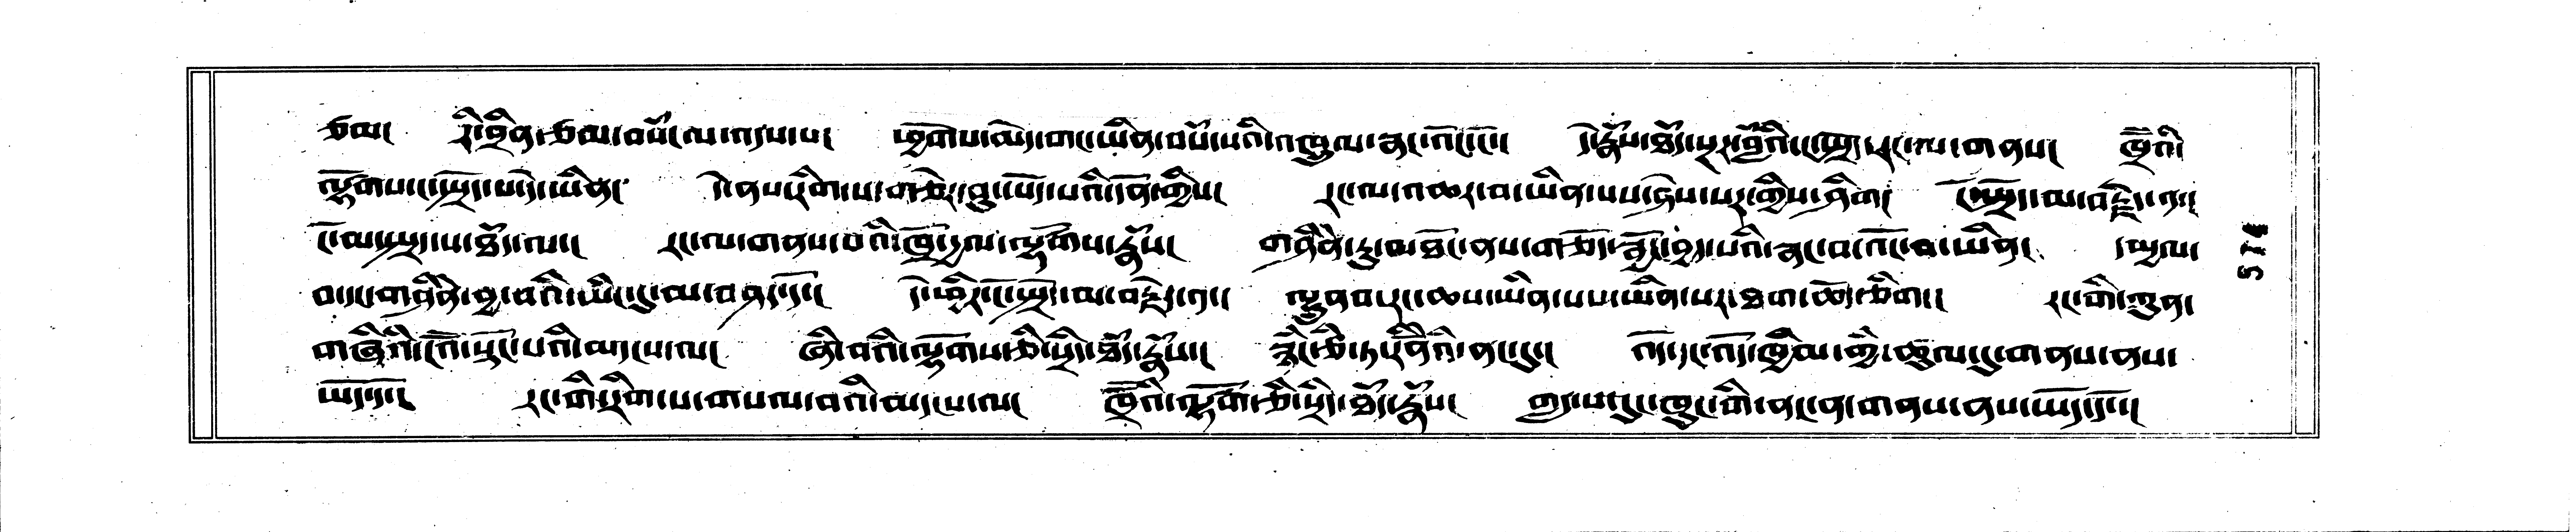རི་ཕྲན་ཙམ་བསམ་ལས་འདས་པ། ཕྱོགས་མེད་གང་སིན་བསམ་པའི་འཁྲུལ་སྣང་འོང་ངོ་། དེ་རྣམས་ཐམས་ཅད་སྔར་བླ་མའི་ངོ་སྤྲོད་རང་ལ་གནས། ཁྲོ་བོའི་
ལྷ་ཚོགས་ངོ་སྤྲོད་པ་དེ་ཡིན། དེ་དུས་རིག་པ་གཅེར་བུར་ཡོད་པའི་དོན་གྱིས། རང་ལ་འཆར་བ་ཡིན་པའི༼པས༽་ཤེས་པར་གྱིས་ཤིག ངོ་སྤྲོད་མ་བརྗེད་ཅིག 
ངོ་མ་སྤྲད་པ་ཐམས་ཅད་ལ། རང་ལ་གནས་པའི་ཁྲོ་རྒྱལ་ལྷ་ཚོགས་རྣམས། གཤིན་རྗེ་རུ་མཐོང་ནས་གཅོད་སྦྱོང་བྱེད་པའི་སྣང་བ་འོང་བ་ཡིན། དམྱལ་
བ་དང་གཤིན་རྗེ་བྱ་བའི་མིང་དུ་གྲུབ་པར་མ་བཤད་དོ། དེ་ཕྱིར་ངོ་སྤྲོད་མ་བྱེད་ཅིག ལྷུན་གྲུབ་རང་ཆས་ཡིན་པར་ཐག་ཆོད་ཅིག རང་གི་ཀུན་
གཞིའི་ངོའོ་སྟོང་པའི་མདངས་ལ། ཞི་བའི་ལྷ་ཚོགས་ཅི་སྲིད་ཐམས་ཅད་རྣམས། སྙིང་ཙི་ཏ་རིན་པོ་ཆེའི་ནང་དུ། འོད་དང་འོད་ཁྱིམ་གྱི་ཚུལ་དུ་གནས་ནས་
ཡོད་དོ། རང་གིས་རིག་པ་གསལ་བའི་མདངས་ལ། ཁྲོ་བོའི་ལྷ་ཚོགས་ཅི་སྲིད་ཐམས་ཅད་རྣམས། གླད་པ་དུང་ཁང་གི་ནང་ནས་གནས་ནས་ཡོད་དོ། སྤྲུལ་སྐུའི་